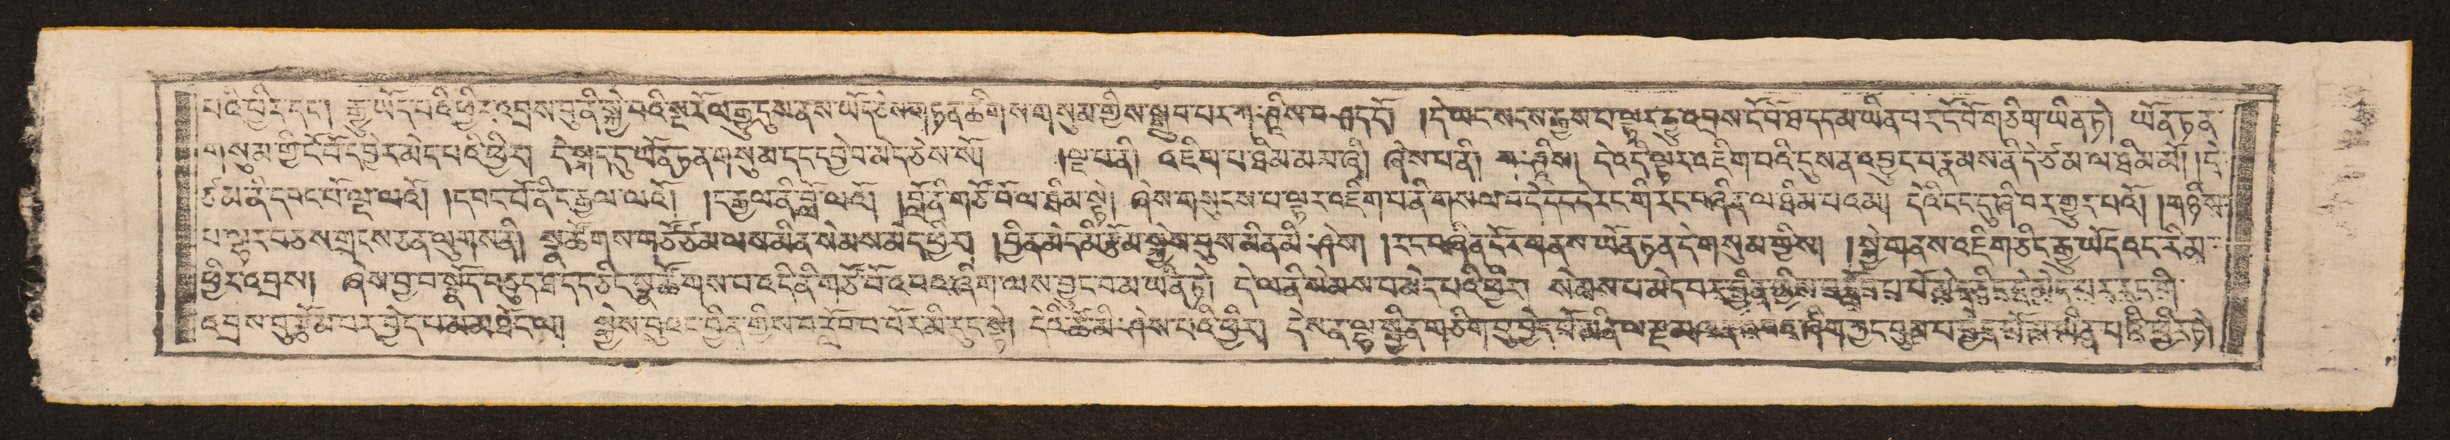པའི་ཕྱིར་དང་། རྒྱུ་ཡོད་པའི་ཕྱིར་འབྲས་བུ་ནི་སྐྱེ་བའི་སྔ་རོལ་རྒྱུ་དུས་ནས་ཡོད་ཅེས་གཏན་ཚིགས་གསུམ་གྱིས་སྒྲུབ་པར་ཀ་ཤཱིས་བཤད་དོ། །དེ་ཡང་སངས་རྒྱས་པ་ལྟར་རྒྱུ་འབྲས་ངོ་བོ་ཐ་དད་མ་ཡིན་པར་ངོ་བོ་གཅིག་ཡིན་ཏེ། ཡོན་ཏན་
གསུམ་གྱི་ངོ་བོ་དབྱེར་མེད་པའི་ཕྱིར། དེ་སྐད་དུ་ཡོན་ཏན་གསུམ་དང་དབྱེ་བ་མེད་ཅེས་སོ། །ལྔ་པ་ནི། འཇིག་པ་ཐིམ་མ་བཞི། ཞེས་པ་ནི། ཀ་ཤཱིས། དེ་འདི་ལྟར་འཇིག་པའི་དུས་ན་འབྱུང་བ་རྣམས་ནི་དེ་ཙམ་ལ་ཐིམ་མོ། །དེ་
ཙམ་ནི་དབང་པོ་ལྔ་ལའོ། །དབང་པོ་ནི་ང་རྒྱལ་ལའོ། །ང་རྒྱལ་ནི་བློ་ལའོ། །བློ་ནི་གཙོ་བོ་ལ་ཐིམ་སྟེ། ཞེས་གསུངས་པ་ལྟར་འཇིག་པ་ནི་གསལ་བ་དེ་དང་དེ་རང་གི་རང་བཞིན་ལ་ཐིམ་པའམ། དེའི་ངང་དུ་ཞི་བར་གྱུར་པའོ། །གཉིས་
པ་ལྷར་བཅས་གྲངས་ཅན་ལུགས་ནི། སྣ་ཚོགས་གཙོ་ཙམ་ལས་མིན་སེམས་མེད་ཕྱིར། །བྱིན་མེད་མི་རྩོམ་སྐྱེས་བུས་མིན་མི་ཤེས། །རང་བཞིན་ངོར་གནས་ཡོན་ཏན་དེ་གསུམ་གྱིས། །སྐྱེ་གནས་འཇིག་ཅིང་རྒྱུ་ཡོདཱང་རིམ་
ཕྱིར་འབྲས། ཞེས་བྱ་བ་སྣོད་བཅུད་ཐ་དད་ཅིང་སྣ་ཚོགས་པ་འདི་ནི་གཙོ་བོ་འབའ་ཞིག་ལས་བྱུང་བ་མ་ཡིན་ཏེ། དེ་ལ་ནི་སེམས་པ་མེད་པའི་ཕྱིར། སེམས་པ་མེད་པར་བྱིན་གྱིས་བརློབ་པ་པོ་མེད་ཅིང་དེ་མེད་པར་རང་གི་
འབྲས་བུ་རྩོམ་པར་བྱེད་པ་མ་མཐོང་ལ། སྐྱེས་བུའང་བྱིན་གྱིས་བརློབ་པ་པོར་མི་རུང་སྟེ། དེའི་ཚེ་མི་ཤེས་པའི་ཕྱིར། དེས་ན་ལྷ་སྦྱིན་གཅིག་པུ་བྱེད་པོ་མིན་ལ་རྫ་མཁན་འབའ་ཞིག་ཀྱང་བུམ་པ་བྱེད་པོ་མ་ཡིན་པའི་ཕྱིར་ཏེ།